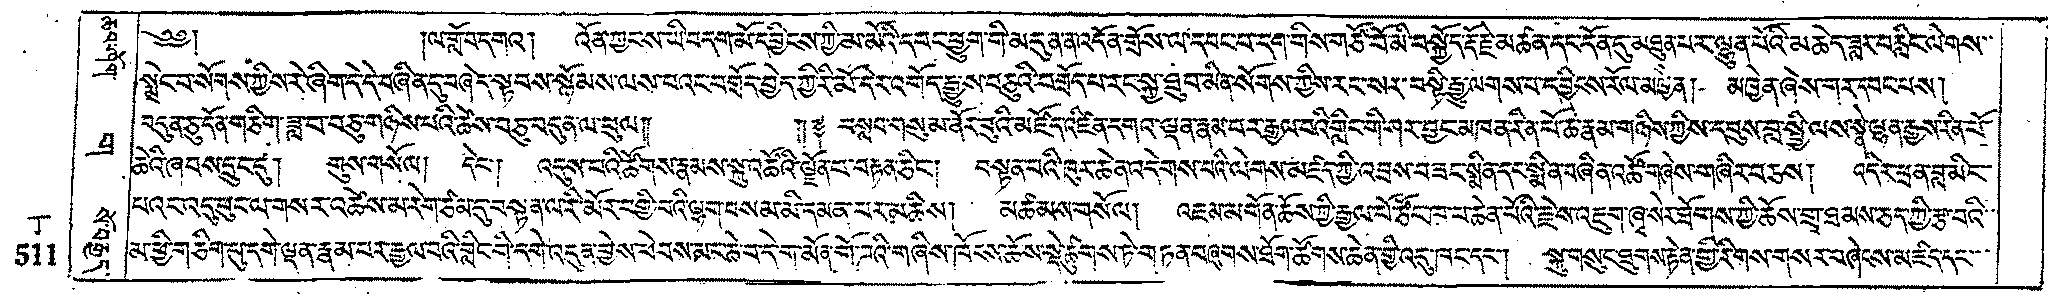༄༅། །ལ་གློ་བ་དགའ། འོན་ཀྱང་ས་ཡི་བདག་མོ་དབྱིངས་ཀྱི་མ་མོའི་དབང་ཕྱུག་གི་མདུན་ན་འདོན་གྲོས་ལ་དབང་བ་དག་གིས་གཙོ་བོ་མི་བསྐྱོད་རྡོ་རྗེ་མཚན་དང་དོན་དུ་མཐུན་པར་ལྷུན་པོའི་མཆེད་ཟླར་བརླིང་ལེགས་་་
སྨྲེང་བ་སོགས་ཀྱིས་རེ་ཞིག་དེ་དེ་བཞིན་དུ་བཞེད་སྟབས་སྙོམས་ལས་པའང་བགྲོད་བྱེད་ཀྱི་རི་མོ་དེར་འགོད་རྒྱུ་ས་བཅུའི་བགྲོད་པ་རང་སྐྱ་ཐུབ་མིན་སོགས་ཀྱིས་རང་སར་བསྟི་རྒྱུ་ལགས་པ་དབྱིངས་རོལ་མཁྱེན། མཁྱེན་ཞེས་གར་དབང་པས།
བདུན་ཅུ་དོན་གཅིག་ཟླ་བ་བཅུ་གཉིས་པའི་ཚེས་བཅུ་བདུན་ལ་ཕུལ།། །། འ་བསླབ་གསུམ་ནོར་བུའི་མཛོད་འཛིན་དགའ་ལྡན་རྣམ་པར་རྒྱལ་བའི་གླིང་གི་ཤར་བྱང་མཁན་རིན་པོ་ཆེ་རྣམ་གཉིས་ཀྱིས་དབུས་བླ་སྤྱི་ལས་སྣེ་ལྷན་རྒྱས་རིན་པོ་་་
ཆེའི་ཞབས་དྲུང་དུ། གུས་གསོལ། དེང་། འདུས་པའི་ཚོགས་རྣམས་སྐུ་འཚོའི་ལྗོན་པ་བརྟན་ཅིང་། བསྟན་པའི་ཁུར་ཆེན་འདེགས་པའི་ལེགས་མཛད་ཀྱི་འབྲས་བཟང་སྨིན་དང་སྨིན་བཞིན་འཚོ་གཞེས་གཞིར་བཅས། འདིར་ཕྲན་བླ་མིང་་་
པའང་འདུ་ཕུང་ལ་གསར་འཚེས་མ་རེག་ཙམ་དུ་བསྟན་ལ་རི་མོར་བགྱི་བའི་ལྷག་བསམ་མི་དམན་པར་མཆིས། མཚམས་གསོལ། འཇམ་མགོན་ཆོས་ཀྱི་རྒྱལ་པོ་ཙོང་ཁ་པ་ཆེན་པོའི་རྗེས་འཇུག་ཞྭ་སེར་ཐོགས་ཀྱི་ཆོས་གྲྭ་ཐམས་ཅད་ཀྱི་རྩ་བའི་་་
མ་ཕྱི་གཅིག་པུ་དགེ་ལྡན་རྣམ་པར་རྒྱལ་བའི་གླིང་གི་དགེ་འདུན་བྱེས་ཕེབས་མང་ཆེ་བ་དེ་ག་མོན་གོ་ཌའི་གཞིས་ཁོངས་ཆོས་སྡེ་ཚུགས་ཏེ་གཏན་བཞུགས་ཐོག་ཚོགས་ཆེན་གྱི་འདུ་ཁང་དང་། སྐུ་གསུང་ཐུགས་རྟེན་གྱི་རིགས་གསར་བཞེངས་མཛད་དང་་་